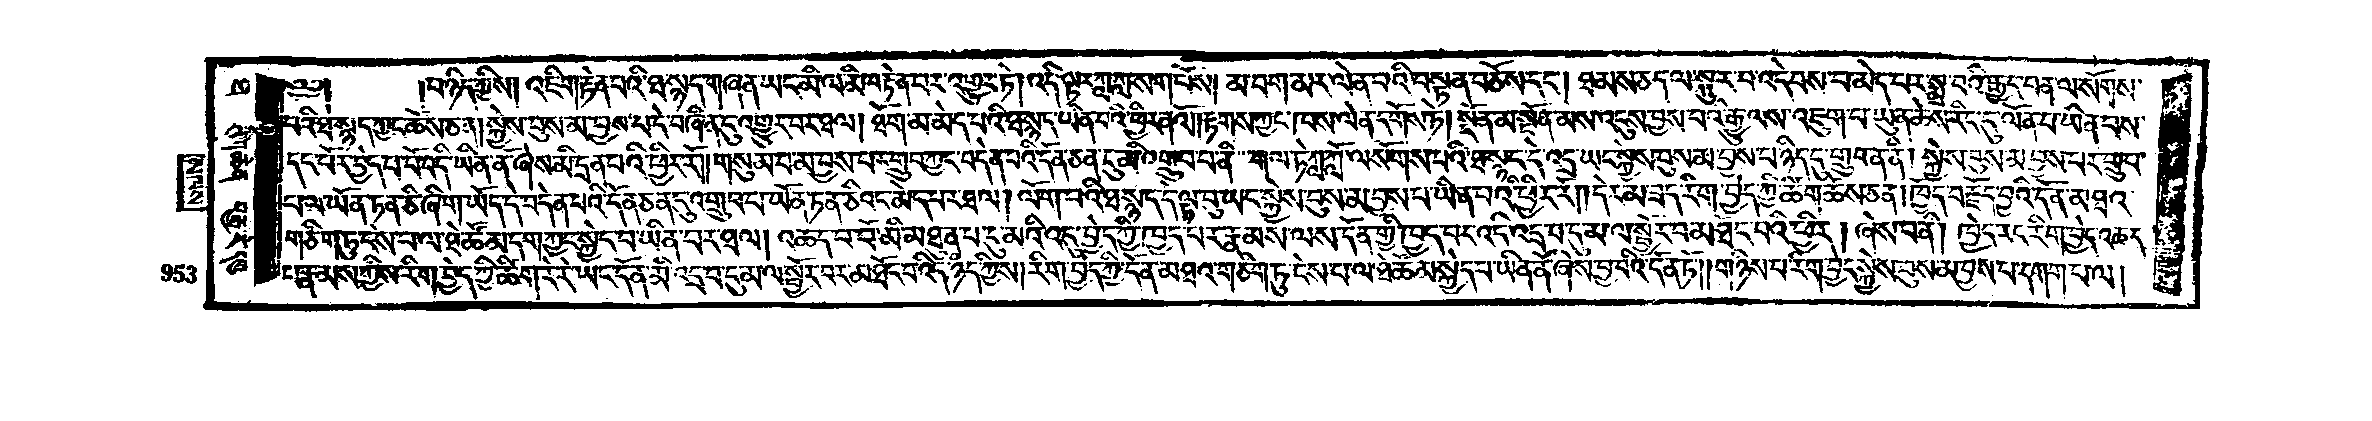༄༅། །པ་ཉིད་ཀྱིས། འཇིག་རྟེན་པའི་ཐ་སྙད་གཞན་ཡང་མི་ལ་མི་བརྟེན་པར་འགྱུར་ཏེ། འདི་ལྟར་ཀླ་ཀློ་སག་པོས། མ་བག་མར་ལེན་པའི་བསྟན་བཅོས་དང་། ཐམས་ཅད་ལ་སྐུར་བ་འདེབས་པ་མེད་པར་སྨྲ་བའི་རྒྱད་བན་ལ་སོགས་
པའི་ཐ་སྙད་ཀྱང་ཆོས་ཅན། སྐྱེས་བུས་མ་བྱས་པ་དེ་བཞིན་དུ་འགྱུར་བར་ཐལ། ཐོག་མ་མེད་པའི་ཐ་སྙད་ཡིན་པའི་ཕྱིར་ནའོ། །རྟགས་ཀྱང་ཁས་ལེན་དགོས་ཏེ། སྔོན་མ་སྔོན་མས་འདུས་བྱས་པའི་རྒྱུ་ལས་འཇུག་པ་ཡུན་ཆེས་རིང་དུ་ལོན་པ་ཡིན་པས་
དང་པོར་བྱེད་པ་པོ་འདི་ཡིན་ནོ་ཞེས་མི་དྲན་པའི་ཕྱིར་རོ། །གསུམ་པ་མ་བྱས་པར་གྲུབ་ཀྱང་བདེན་པའི་དོན་ཅན་དུ་མི་འགྲུབ་པ་ནི་གལ་ཏེ་ཀླ་ཀློ་ལ་སོགས་པའི་ཐ་སྙད་དེ་འདྲ་ཡང་སྐྱེས་བུས་མ་བྱས་པ་ཉིད་དུ་གྲུབ་ན་ནི། སྐྱེས་བུས་མ་བྱས་པར་གྲུབ་
པ་ལ་ཡོན་ཏན་ཅི་ཞིག་ཡོད་དེ་བདེན་པའི་དོན་ཅན་དུ་འགྲུབ་པ་ཡོན་ཏན་ཅིའང་མེད་པར་ཐལ། ལོག་པའི་ཐ་སྙད་དེ་ལྟ་བུ་ཡང་སྐྱེས་བུས་མ་བྱས་པ་ཡིན་པའི་ཕྱིར་རོ། །དེར་མ་ཟད་རིག་བྱེད་ཀྱི་ཚིག་ཆོས་ཅན། ཁྱོད་བརྗོད་བྱའི་དོན་མཐའ་
གཅིག་ཏུ་ངེས་པ་ལ་ཐེ་ཚོམ་དག་ཀྱང་སྐྱེད་པ་ཡིན་པར་ཐལ། འཆད་པ་པོ་མི་མཐུན་པ་དུ་མའི་འདུ་བྱེད་ཀྱི་ཁྱད་པར་རྣམས་ལས་དོན་གྱི་ཁྱད་པར་འདི་འདྲ་བ་དུ་མ་ལ་སྦྱོར་བ་མཐོང་བའི་ཕྱིར། ཞེས་པ་ནི། ཁྱེད་རང་རིག་བྱེད་འཆད་
པ་རྣམས་ཀྱིས་རིག་བྱེད་ཀྱི་ཚིག་རེ་རེ་ཡང་དོན་མི་འདྲ་བ་དུ་མ་ལ་སྦྱོར་བར་མཐོང་བ་འདི་ཉིད་ཀྱིས། རིག་བྱེད་ཀྱི་དོན་མཐའ་གཅིག་ཏུ་ངེས་པ་ལ་ཐེ་ཚོམ་སྐྱེད་པ་ཡིན་ནོ་ཞེས་བྱ་བའི་དོན་ཏོ། །གཉིས་པ་རིག་བྱེད་སྐྱེས་བུས་མ་བྱས་པ་དགག་པ་ལ།